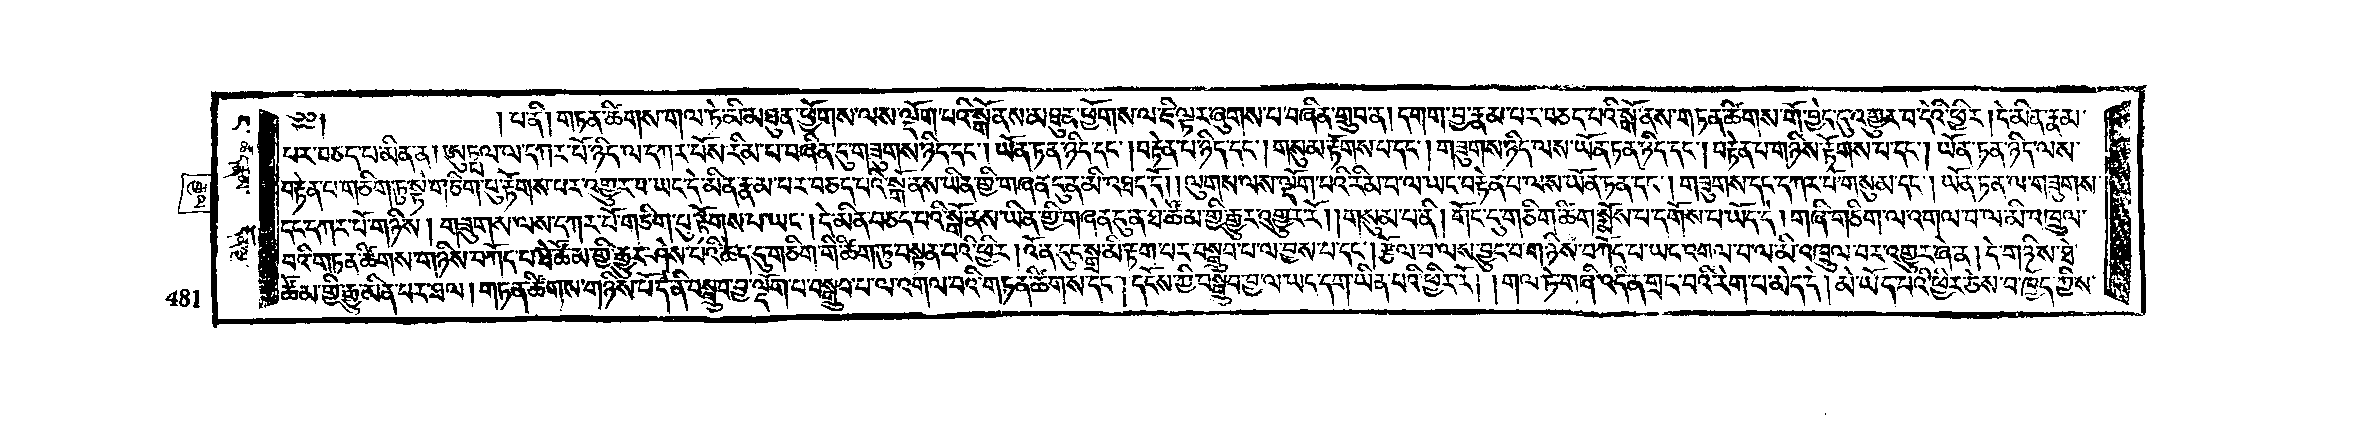༄༅། །པ་ནི། གཏན་ཚིགས་གལ་ཏེ་མི་མཐུན་ཕྱོགས་ལས་ལྡོག་པའི་སྒོ་ནས་མཐུན་ཕྱོགས་ལ་ཇི་ལྟར་ཞུགས་པ་བཞིན་གྲུབ་ན། དགག་བྱ་རྣམ་པར་བཅད་པའི་སྒོ་ནས་གཏན་ཚིགས་གོ་བྱེད་དུ་འགྱུར་པ་དེའི་ཕྱིར། དེ་མིན་རྣམ་
པར་བཅད་པ་མིན་ན། ཨུཏཔལ་དཀར་པོ་ཉིད་ལ་དཀར་པོས་རིམ་པ་བཞིན་དུ་གཟུགས་ཉིད་དང་། ཡོན་ཏན་ཉིད་དང་། བརྟེན་པ་ཉིད་དང་། གསུམ་རྟོགས་པ་དང་། གཟུགས་ཉིད་ལས་ཡོན་ཏན་ཉིད་དང་། བརྟེན་པ་གཉིས་རྟོགས་པ་དང་། ཡོན་ཏན་ཉིད་ལས་
བརྟེན་པ་གཅིག་ཏུ་སྟེ་གཅིག་པུ་རྟོགས་པར་འགྱུར་པ་ཡང་དེ་མིན་རྣམ་པར་བཅད་པའི་སྒོ་ནས་ཡིན་གྱི་གཞན་དུ་ན་མི་འཐད་དོ། །ལུགས་ལས་ལྡོག་པའི་རིམ་པ་ལ་ཡང་བརྟེན་པ་ལས་ཡོན་ཏན་དང་། གཟུགས་དང་དཀར་པོ་གསུམ་དང་། ཡོན་ཏན་ལ་གཟུགས་
དང་དཀར་པོ་གཉིས། གཟུགས་ལས་དཀར་པོ་གཅིག་པུ་རྟོགས་པ་ཡང་། དེ་མིན་བཅད་པའི་སྒོ་ནས་ཡིན་གྱི་གཞན་དུ་ན་ཐེ་ཚོམ་གྱི་རྒྱུར་འགྱུར་རོ་།གསུམ་པ་ནི། གོང་དུ་གཅིག་ཚིག་སྨོས་པ་དགོས་པ་ཡོད་དེ། གཞི་གཅིག་ལ་འགལ་བ་ལ་མི་འཁྲུལ་
པའི་གཏན་ཚིགས་གཉིས་བཀོད་པ་ཚེ་ཚོམ་གྱི་རྒྱུར་ཤེས་པའི་ཆེད་དུ་གཅིག་གི་ཚིག་ཏུ་བསྟན་པའི་ཕྱིར། འོ་ན་དུང་སྒྲ་མི་རྟག་པར་བསྒྲུབ་པ་ལ་བྱས་པ་དང་། རྩོལ་བ་ལས་བྱུང་བ་གཉིས་བཀོད་པ་ཡང་འགལ་བ་ལ་མི་འཁྲུལ་པར་འགྱུར་ཞེ་ན། དེ་གཉིས་ཐེ་
ཚོམ་གྱི་རྒྱུ་མིན་པར་ཐལ། གཏན་ཚིགས་གཉིས་པོ་དེ་ནི་བསྒྲུབ་བྱ་ལྡོག་པ་བསྒྲུབ་པ་ལ་འགལ་བའི་གཏན་ཚིགས་དང་། དངོས་ཀྱི་བསྒྲུབ་བྱ་ལ་ཡང་དག་ཡིན་པའི་ཕྱིར་རོ། །གལ་ཏེ་བཞི་འདི་ན་གྲང་བའི་རེག་པ་མེད་དེ། མེ་ཡོད་པའི་ཕྱིར་ཅེས་པ་ཁྱོད་ཀྱིས་